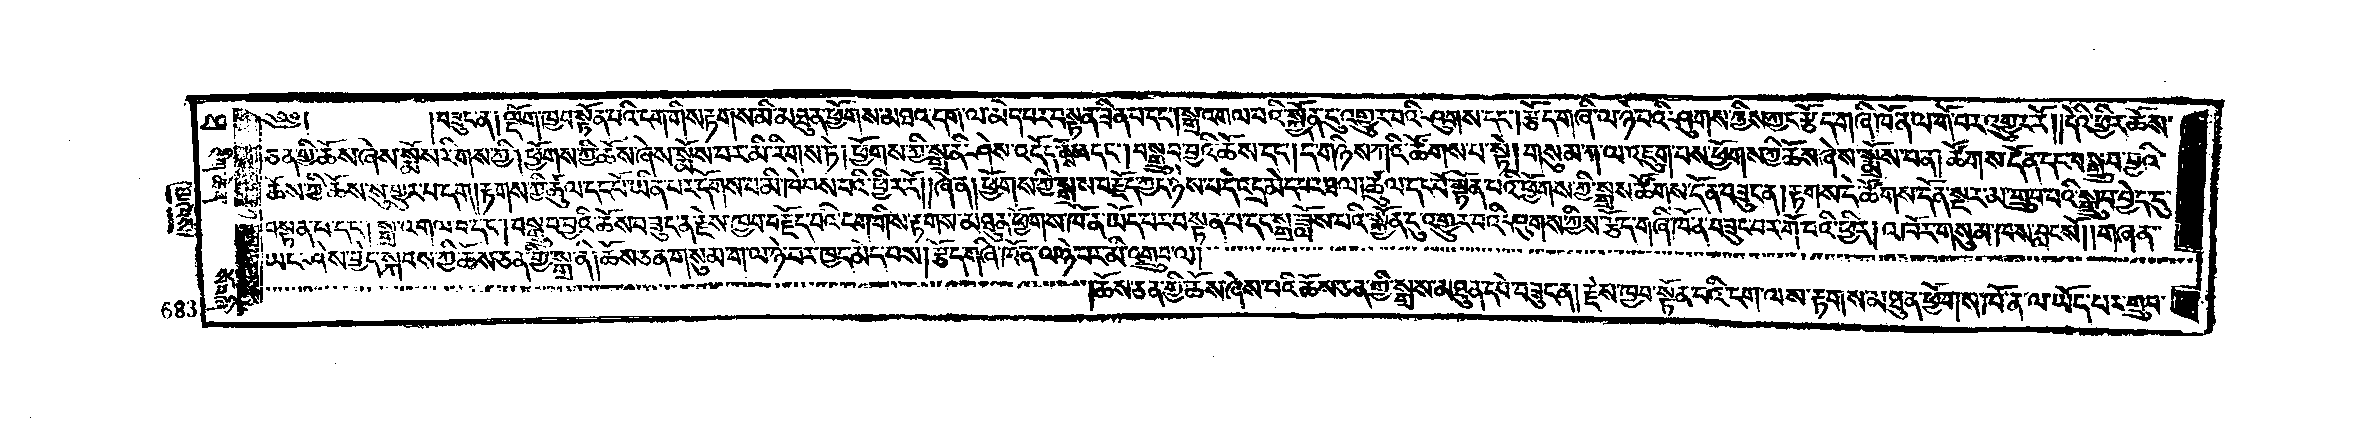༄༅། །བཟུང་ན། ལྡོག་ཁྱབ་སྟོན་པའི་ངག་གིས་རྟགས་མི་མཐུན་ཕྱོགས་མཐའ་དག་ལ་མེད་པར་བསྟན་ཟིན་པ་དང་། སྒྲ་འགལ་མི་རིགས་ཏེ། ཕྱོགས་ཀྱི་སྒྲ་ནི་ཤེས་འདོད་ཆོས་ཅན་དང་། བསྒྲུབ་ཤུགས་ཀྱིས་ཀྱང་རྩོད་གཞི་ཁོ་ན་ལ་གོ་བར་འགྱུར་རོ། །དེའི་ཕྱིར་ཆོས་
ཅན་གྱི་ཆོས་ཞེས་སྨོས་རིགས་ཀྱི། ཕྱོགས་ཀྱི་ཆོས་ཞེས་སྨོས་པར་མི་རིགས་ཏེ། ཕྱོགས་ཀྱི་སྒྲ་ནི་ཤེས་འདོད་ཆོས་ཅན་དང་། བསྒྲུབ་བྱའི་ཆོས་དང་། དེ་གཉིས་ཀའི་ཚོགས་པ་སྟེ། གསུམ་ཀ་ལ་འཇུག་པས་ཕྱོགས་ཀྱི་ཆོས་ཞེས་སྨོས་པ་ན། ཚོགས་དོན་དང་བསྲུབ་བྱའི་
ཆོས་ཀྱི་ཆོས་སུ་གྱུར་པ་དག། རྟགས་ཀྱི་ཚུལ་དང་པོ་ཡིན་པར་དོགས་པ་མི་ཁེགས་པའི་ཕྱིར་རོ། །ཞེ་ན། ཕྱོགས་ཀྱི་སྒྲ་བརྗོད་ཀྱང་ཉེས་པ་དེ་འདྲ་མེད་པར་ཐལ། ཚུལ་དང་པོ་སྟོན་པའི་ཕྱོགས་ཀྱི་སྒྲས་ཚོགས་དོན་བཟུང་ན། རྟགས་དེ་ཚོགས་དོན་སྔར་མ་གྲུབ་པའི་སྒྲུབ་བྱེད་དུ་
བསྟན་པ་དང་། སྒྲ་འགལ་བ་དང་། བསྒྲུབ་བྱའི་ཆོས་བཟུང་ན་རྗེས་ཁྱབ་བརྗོད་པའི་ངག་གིས་རྟགས་མཐུན་ཕྱོགས་ཁོ་ན་ཡོད་པར་བསྟན་པ་དང་སྒྲ་ཟློས་པའི་སྐྱོན་དུ་འགྱུར་བའི་ཤུགས་ཀྱིས་རྩོད་གཞི་ཁོ་ན་བཟུང་བར་གོ་བའི་ཕྱིར། འཁོར་གསུམ་ཁས་བླངས་སོ། །གཞན་
ཡང་ཤེས་བྱེད་སྐབས་ཀྱི་ཆོས་ཅན་གྱི་སྒྲ་ནི། ཆོས་ཅན་གསུམ་ག་ལ་ཉེ་བར་ཁྱད་མེད་པས། རྩོད་གཞི་ཁོ་ན་ལ་ཉེ་བར་མི་འགྲུབ་ལ། ཆོས་ཅན་གྱི་ཆོས་ཞེས་པའི་ཆོས་ཅན་གྱི་སྒྲས་མཐུན་དཔེ་བཟུང་ན། རྗེས་ཁྱབ་སྲོན་པའི་ངག་ལས་རྟགས་མཐུན་ཕྱོགས་ཁོ་ན་ལ་ཡོད་པར་གྲུབ་